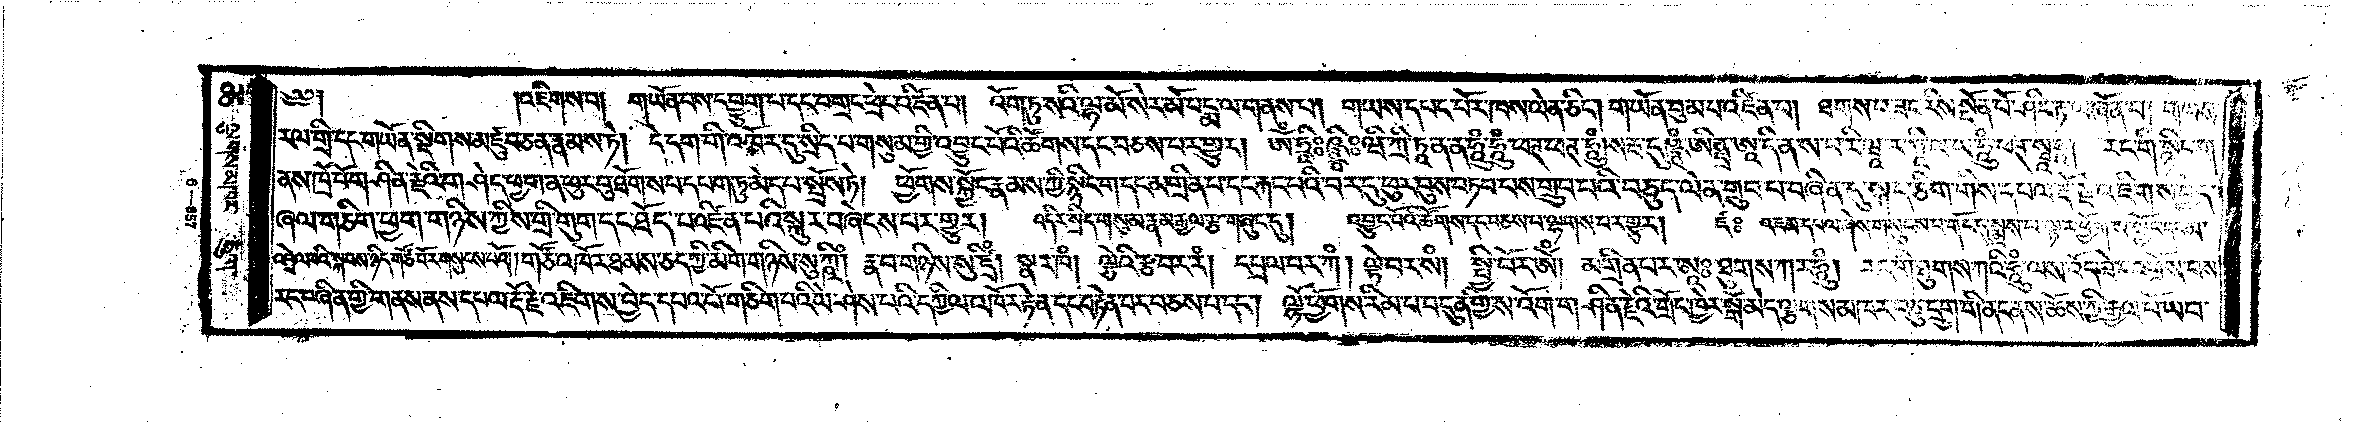༄༅། །འཇིགས་པ། གཡོན་པས་དབྱུག་པ་དང་བགྲང་ཕྲེང་འཛིན་པ། འོག་ཏུ་སའི་ལྷ་མོ་སེར་མོ་པདམ་ལ་གནས་པ། གཡས་དབང་པོར་ཁས་ལེན་ཅིང་། གཡོན་བུམ་པ་འཛིན་པ། ཐགས་བཟང་རིས་སྔོན་པོ་ཤིང་རྟ་གཞོན་པ། གཡས་
རལ་གྲི་དང་གཡོན་སྡིགས་མཛུབ་ཅན་རྣམས་ཏེ། དེ་དག་གི་འཁོར་དུ་སྲིད་པ་གསུམ་གྱི་འབྱུང་པོའི་ཚོགས་དང་བཅས་པར་གྱུར། ཨོཾ་ཧྲཱིཿཥྚཱིཿཝི་ཀྲི་ཏཱ་ན་ན་ཧཱུཾ་ཧཱུཾ་ཕཌ་ཕཌ་ཧཱུཾ། སརྦ་དུཥྚཾ་ཨིནྡྲ་ཨཱ་དི་ན་ས་པ་རི་ཝཱ་རཀཱི་ལ་ཡ་ཧཱུཾ་ཕཌ་ཕཌ་སྭཱའ། རང་གི་སྙིང་ག་
ནས་ཁྲོ་བོ་གཤིན་རྗེའི་གཤེད་ཕྱག་ན་ཕུར་བུ་ཐོགས་པ་དཔག་ཏུ་མེད་པ་སྤྲོས་ཏེ། ཕྱོགས་སྐྱོང་རྣམས་ཀྱིས་ཉིང་ག་དང་མགྲིན་པ་དང་རྐང་པའི་བར་དུ་ཕུར་བུས་བཏབ་པས་གྲུབ་པའི་ལེན་གྲུབ་པ་བཞིན་དུ་སད་ཅིག་གིས་དཔལ་རྡོ་རྗེ་འཇིགས་བྱེད་
ཞལ་གཅིག་ཕྱག་གཉིས་ཀྱིས་གྲི་གུག་དང་ཐོད་པ་འཛིན་པའི་སྐུར་བཞེངས་པར་གྱུར་འདིར་སྲིད་གསུམ་རྣམ་རྒྱལ་རྩ་གཞུང་དུ། འབྱུང་པོའི་ཚོགས་དང་བཅས་པ་ལྷགས་པར་གྱུར། ཛཿ འཇམ་དཔལ་ཞེས་གསུངས་པ་གོང་སུ་སྨྲས་པ་ལྟར་ཕྱོགས་སྐྱོང་དང་མ་
འབྲེལ་བའི་སྐབས་ཉིད་གཙོ་བོ་གསུངས་པའོ། །གཙོ་འཁོར་ཐམས་ཅད་ཀྱི་མིག་གཉིས་སུ་ཀྵིཾ། རྣ་བ་གཉིས་སུ་ཛྲི།སྣར་ཁཾ། ལྕེ་རྩ་བར་རཾ། དཔྲལ་བར་ཀཾ། ལྟེ་བར་སཾ། སྤྱི་བོར་ཨོཾ། མགྲིན་པར་ཨཱཿཐུགས་ཀར་ཧཱུཾ། རང་གི་ཐུགས་ཀའི་ཧཱུཾ་ལས་འོད་ཟེར་འཕྱོགས་པས་
རང་བཞིན་གྱིས་གནས་ནས་དཔལ་རྡོ་རྗེ་འཇིགས་བྱེད་དཔའ་བོ་གཅིག་པའི་ཡེ་ཤེས་པའི་དཀྱིལ་འཁོར་རྟེན་དང་བརྟེན་པར་བཅས་པ་དང་། ལྷོ་ཕྱོགས་རིམ་པ་བདུན་གྱིས་འོག་གཤིན་རྗེའི་གྲོང་ཁྱེར་སྒོ་མེད་ལྕགས་མཁང་བཅུ་དྲུག་གི་ནང་ནས་ཆོས་ཀྱི་རྒྱལ་པོ་ཡབ་